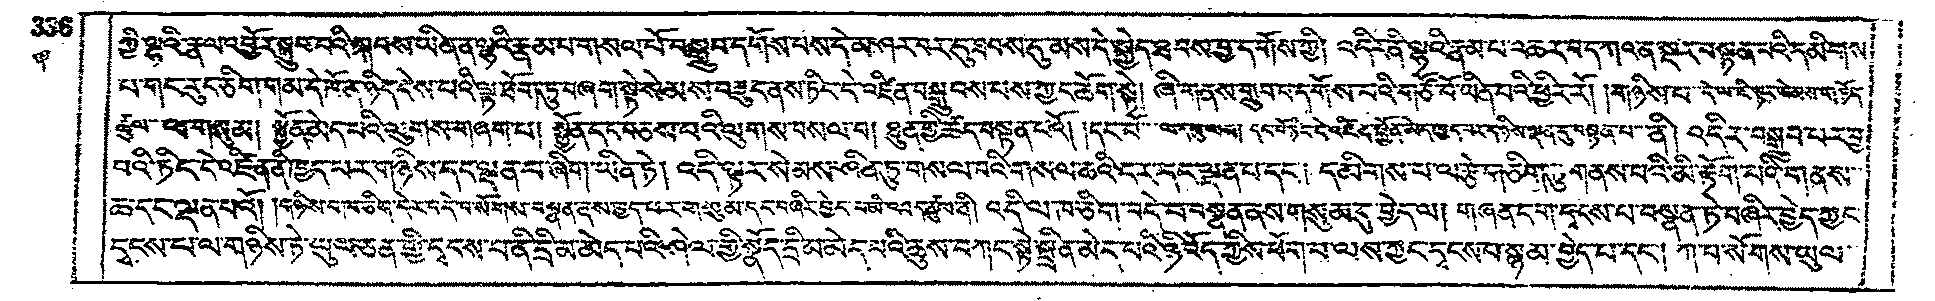ཀྱི་ལྷའི་རྣལ་འབྱོར་སྒྲུབ་པའི་སྐབས་ཡིན་ན་ལྷའི་རྣམ་པ་གསལ་པོ་བསྒྲུབ་དགོས་པས་དེ་མ་ཤར་བར་དུ་ཐབས་དུ་མས་དེ་སྐྱེད་ཐབས་བྱ་དགོས་ཀྱི། འདིར་ནི་ལྷའི་རྣམ་པ་འཆར་བ་དཀའ་ན་སྔར་བསྟན་པའི་དམིགས་
པ་གང་རུང་ཅིག་གམ་དེ་ཁོ་ན་ཉིད་ངེས་པའི་ལྟ་ཐོག་ཏུ་བཞག་སྟེ་སེམས་བཟུང་ནས་ཏིང་ངེ་འཛིན་བསྒྲུབས་པས་ཀྱང་ཆོག་སྟེ། ཞི་གནས་གྲུབ་པ་དགོས་པའི་གཙོ་བོ་ཡིན་པའི་ཕྱིར་རོ། །གཉིས་པདེ་ལ་ཇི་ལྟར་སེམས་གཏོད་
ཚུལླ་གསུམ། སྐྱོན་མེད་པའི་ལུགས་གཞག་པ། སྐྱོན་དང་བཅས་པའི་ལུགས་བསལ་བ། ཐུན་གྱི་ཚད་བསྟན་པའོ། །དང་པོལ་དགུ་ལས། དང་པོ་ཏིང་ངེ་འཛིན་སྐྱོན་མེད་ཁྱད་པར་གཉིས་ལྡན་དུ་བསྟན་པནི། འདིར་བསྒྲུབ་པར་བྱ་
བའི་ཏིང་ངེ་འཛིན་ནི་ཁྱད་པར་གཉིས་དང་ལྡན་པ་ཞིག་ཡིན་ཏེ། འདི་ལྟར་སེམས་ཤིན་ཏུ་གསལ་བའི་གསལ་ཆའི་ངར་དང་ལྡན་པ་དང་། དམིགས་པ་ལ་རྩེ་གཅིག་ཏུ་གནས་པའི་མི་རྟོག་པའི་གནས་
ཆ་དང་ལྡན་པའོ། །གཉིས་པ་ཁ་ཅིག་དེར་བདེ་བ་སོགས་བསྣན་ནས་བྱད་པར་གསུམ་དང་བཞིར་བྱེད་པ་མི་འཐད་ཚུལ་ནི།  འདི་ལ་ཁ་ཅིག་བདེ་བ་བསྣན་ནས་གསུམ་དུ་བྱེད་ལ། གཞན་དག་དྭངས་པ་བསྣན་ཏེ་བཞིར་བྱེད་ཀྱང་
དྭངས་པ་ལ་གཉིས་ཏེ་ཡུལ་ཅན་གྱི་དྭངས་པ་ནི་དྲི་མ་མེད་པའི་ཤེལ་གྱི་སྣོད་དྲི་མ་མེད་པའི་ཆུས་བཀང་སྟེ་སྤྲིན་མེད་པའི་ཉི་འོད་ཀྱིས་ཕོག་པ་ལས་ཀྱང་དྭངས་པ་སྙམ་བྱེད་པ་དང་། ཀ་བ་སོགས་ཡུལ་